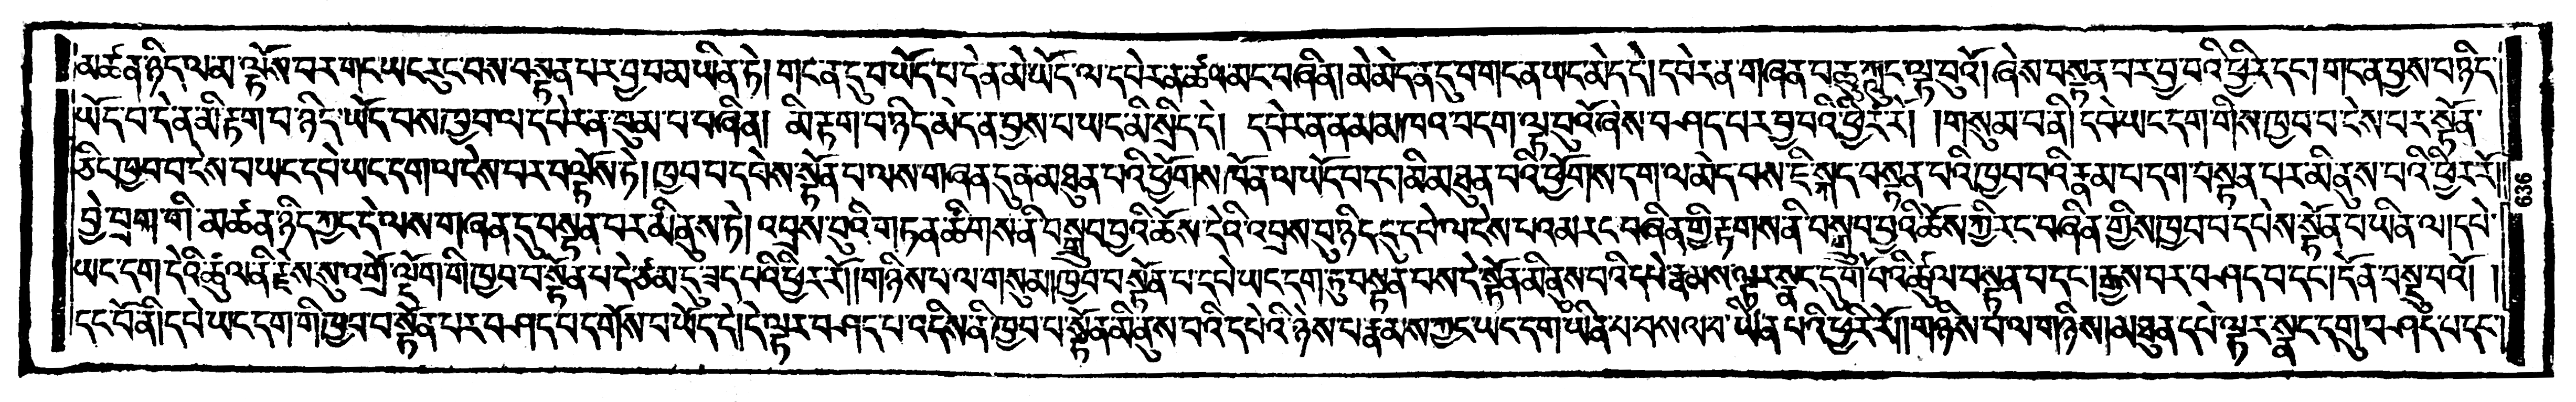མཚན་ཉིད་ལ་མ་ལྟོས་བར་གང་ཡང་རུང་བས་བསྟན་པར་བྱ་བ་མ་ཡིན་ཏེ། གང་ན་དུ་བ་ཡོད་པ་དེ་ན་མེ་ཡོད་ལ་དཔེར་ན་ཚལ་མང་བཞིན། མེ་མེད་ན་དུ་བ་གང་ན་ཡང་མེད་དེ། དབེར་ན་གཞན་བ་ཆུ་ཀླུང་ལྟ་བུའོ། །ཞེས་བསྟན་པར་བྱ་བའི་ཕྱིར་དང་། གང་ན་བྱས་པ་ཉིད་
ཡོད་བ་དེ་ན་མི་རྟག་བ་ཉིད་ཡོད་བས་ཁྱབ་ལ་དཔེར་ན་བུམ་པ་བཞིན། མི་རྟག་བ་ཉིད་མེད་ན་བྱས་པ་ཡང་མི་སྲིད་དེ། དཔེར་ན་ནམ་མཁའ་བདག་ལྟ་བུའོ་ཞེས་བཤད་པར་བྱ་བའི་ཕྱིར་རོ། །གསུམ་བ་ནི། དབེ་ཡང་དག་གིས་ཁྱབ་པ་ངེས་པར་སྟོན་
ཅིང་ཁྱབ་བ་ངེས་པ་ཡང་དཔེ་ཡང་དག་ལ་ངེས་པར་བལྟོས་ཏེ། ཁྱབ་པ་དབེས་སྟོན་པ་ལས་གཞན་དུ་ན་མཐུན་པའི་ཕྱོགས་ཁོ་ན་ལ་ཡོད་བ་དང་། མི་མཐུན་བའི་ཕྱོགས་དག་ལ་མེད་བས་ཇི་སྐད་བསྟན་པའི་ཁྱབ་བའི་རྣམ་པ་དག་བསྟན་པར་མི་ནུས་པའི་ཕྱིར་རོ།
བྱེ་བྲག་གི་མཚན་ཉིད་ཀྱང་དེ་ལས་གཞན་དུ་བསྟན་པར་མི་ནུས་ཏེ། འབྲས་བུའི་གཏན་ཚིགས་ནི་བསྒྲུབ་བྱའི་ཆོས་དེའི་འབྲས་བུ་ཉིད་དུ་དཔེ་ལ་ངེས་པའམ་རང་བཞིན་གྱི་རྟགས་ནི་བསྒྲུབ་བྱའི་ཆོས་ཀྱི་རང་བཞིན་གྱིས་ཁྱབ་པ་དཔེས་སྟོན་པ་ཡིན་ལ། དཔེ་
ཡང་དག་དེའི་ཚུལ་ནི་རྗེས་སུ་འགྲོ་ལྡོག་གི་ཁྱབ་བ་སྟོན་པ་དེ་ཙམ་དུ་ཟད་པའི་ཕྱིར་རོ། །གཉིས་པས་ལ་གསུམ། ཁྱབ་པ་སྟོན་པ་དཔེ་ཡང་དག་ཏུ་བསྟན་པས་དེ་སྟོན་མི་ནུས་བའི་དཔེ་རྣམས་ལྟར་སྣང་དུ་གོ་བའི་ཚུལ་བསྟན་བ་དང་། རྒྱས་བར་བཤད་བ་དང་། དོན་བསྡུ་བའོ། །
དང་བོ་ནི། དཔེ་ཡང་དག་གི་ཁྱབ་བ་སྟོན་པར་བཤད་པ་དགོས་བ་ཡོད་དེ། དེ་ལྟར་བཤད་པ་འདིས་ནི་ཁྱབ་པ་སྟོན་མི་ནུས་བའི་དཔེའི་ཉེས་པ་རྣམས་ཀྱང་ཡང་དག་ཡིན་པ་བསལ་བ་ཡིན་པའི་ཕྱིར་རོ། །གཉིས་བ་ལ་གཉིས། མཐུན་དཔེ་ལྟར་སྣང་དགུ་བཤད་པ་དང་།